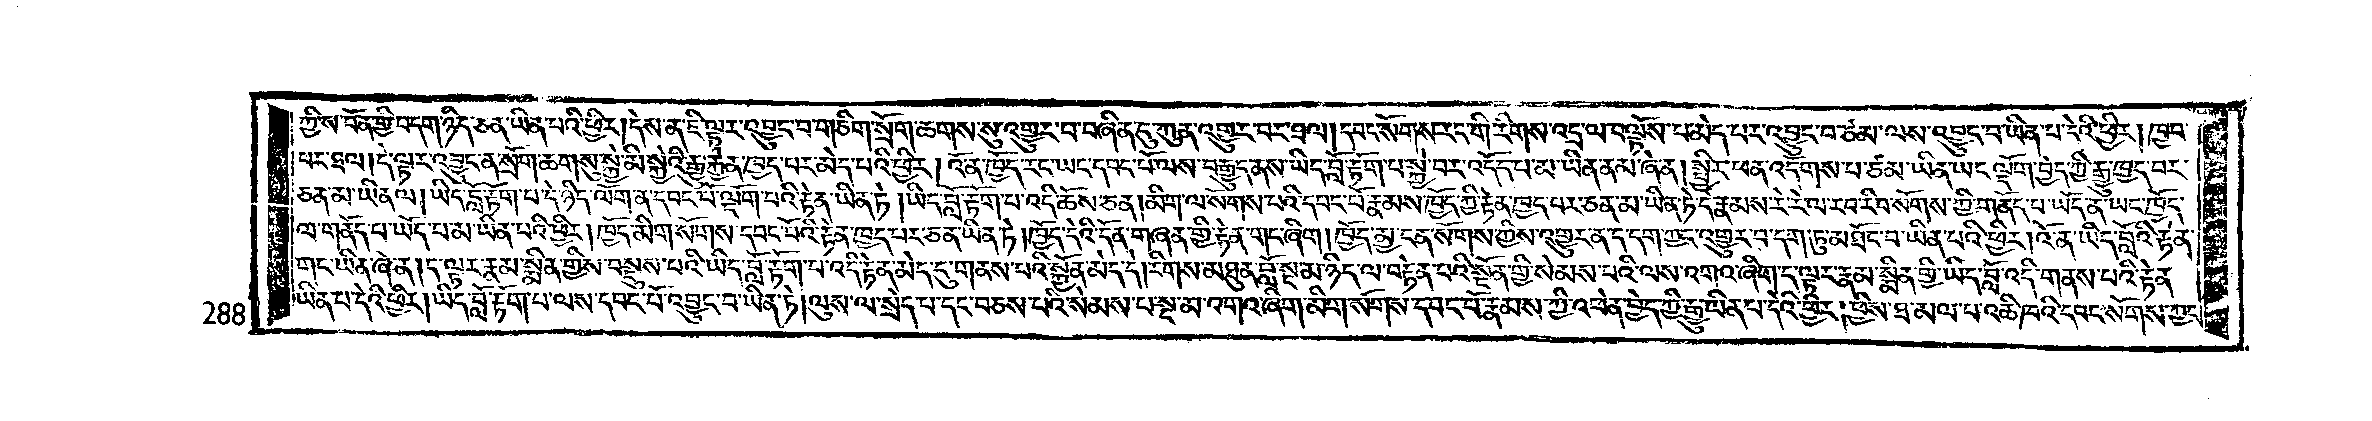ཀྱི་ས་བོན་གྱི་བདག་ཉིད་ཅན་ཡིན་པའི་ཕྱིར། དེས་ན་ཇི་ལྟར་འབྱུང་བ་གཅིག་སྲོག་ཆགས་སུ་འགྱུར་བ་བཞིན་དུ་ཀུན་འགྱུར་བར་ཐལ། དབང་སོགས་རང་གི་རིགས་འདྲ་ལ་བལྟོས་པ་མེད་པར་འབྱུང་བ་ཙམ་ལས་འབྱུང་བ་ཡིན་པ་དེའི་ཕྱིར། ཁྱབ་
པར་ཐལ། དེ་ལྟར་འབྱུང་ན་སྲོག་ཆགས་སུ་སྐྱེ་མི་སྐྱེའི་རྒྱུ་རྐྱེན་ཁྱད་པར་མེད་པའི་ཕྱིར། འོ་ན་ཁྱོད་རང་ཡང་དབང་པོ་ལས་བརྒྱུད་ནས་ཡིད་བློ་རྟོག་པ་སྐྱེ་བར་འདོད་པ་མ་ཡིན་ནམ་ཞེ་ན། སྤྱིར་ཕན་འདོགས་པ་ཙམ་ཡིན་ཡང་ལྡོག་བྱེད་ཀྱི་རྒྱུ་ཁྱད་པར་
ཅན་མ་ཡིན་ལ། ཡིད་བློ་རྟོག་པ་དེ་ཉིད་ལོག་ན་དབང་པོ་ལྡོག་པའི་རྟེན་ཡིན་ཏེ། ཡིད་བློ་རྟོག་པ་འདི་ཆོས་ཅན། མིག་ལ་སོགས་པའི་དབང་པོ་རྣམས་ཁྱོད་ཀྱི་རྟེན་ཁྱད་པར་ཅན་མ་ཡིན་ཏེ་དེ་རྣམས་རེ་རེ་ལ་རབ་རིབ་སོགས་ཀྱི་གནོད་པ་ཡོད་ན་ཡང་ཁྱོད་
ལ་གནོད་པ་ཡོད་པ་མ་ཡིན་པའི་ཕྱིར། ཁྱོད་མིག་སོགས་དབང་པོའི་རྟེན་ཁྱད་པར་ཅན་ཡིན་ཏེ། ཁྱོད་དེའི་དོན་གཞན་གྱི་རྟེན་གང་ཞིག ། ཁྱོད་མྱ་ངན་སོགས་ཀྱིས་འགྱུར་ན་དེ་དག་ཀྱང་འགྱུར་བ་དག་ཏུ་མཐོང་བ་ཡིན་པའི་ཕྱིར། འོ་ན་ཡིད་བློའི་རྟེན་
གང་ཡིན་ཞེ་ན། ད་ལྟར་རྣམ་སྨིན་གྱིས་བསྡུས་པའི་ཡིད་བློ་རྟོག་པ་འདི་རྟེན་མེད་དུ་གནས་པའི་སྐྱོན་མེད་དེ། རིགས་མཐུན་བློ་སྔ་མ་ཉིད་ལ་བརྟེན་པའི་སྔོན་གྱི་སེམས་པའི་ལས་འགའ་ཞིག་དེ་ལྟར་རྣམ་སྨིན་གྱི་ཡིད་བློ་འདི་གནས་པའི་རྟེན་
ཡིན་པ་དེའི་ཕྱིར། ཡིད་བློ་རྟོག་པ་ལས་དབང་པོ་འབྱུང་བ་ཡིན་ཏེ། ལུས་ལ་སྲིད་པ་དང་བཅས་པའི་སེམས་པ་སྔ་མ་འགའ་ཞིག་མིག་སོགས་དབང་པོ་རྣམས་ཀྱི་འཕེན་བྱེད་ཀྱི་རྒྱུ་ཡིན་པ་དེའི་ཕྱིར། ཕྱིས་ཐ་མལ་པ་འཆི་ཁའི་དབང་སོགས་ཀྱང་